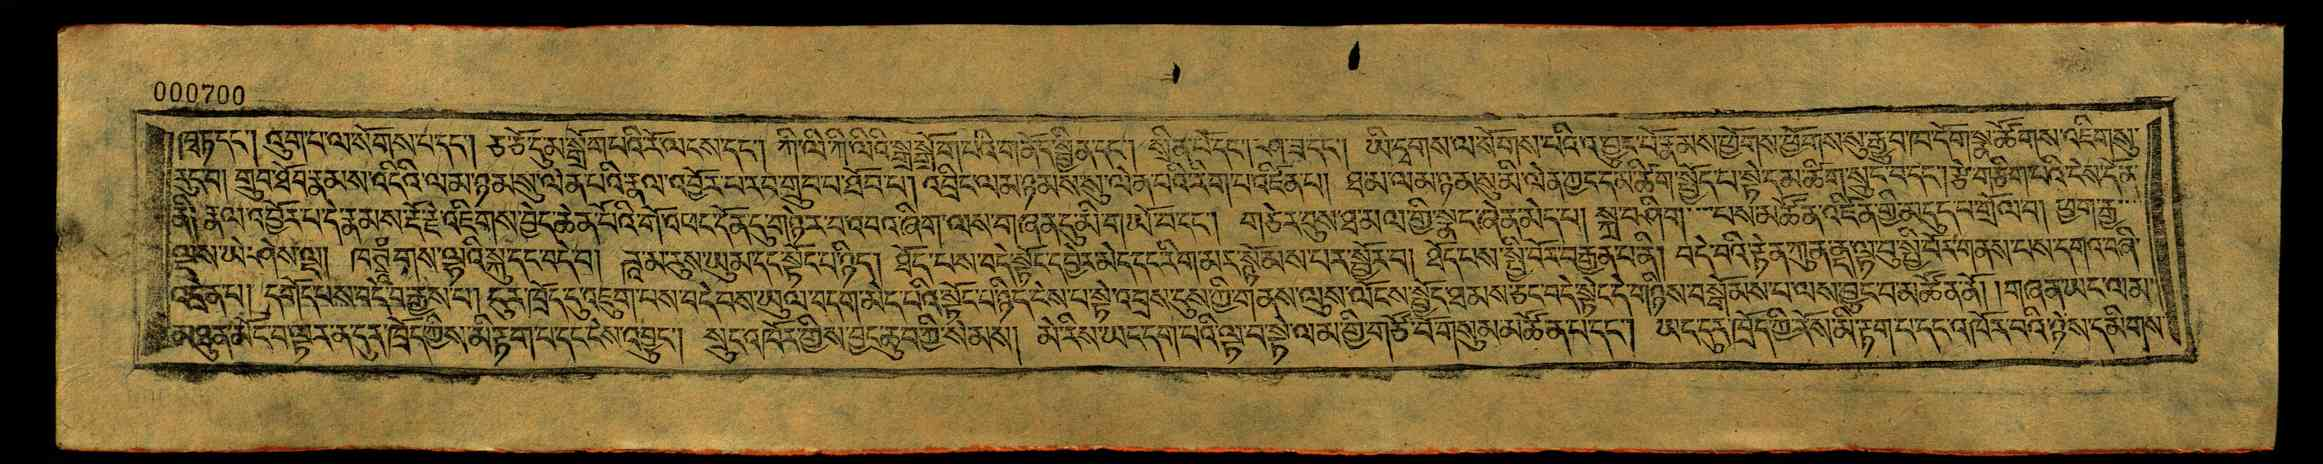ཁ་ཏ་དང་། འུག་པ་ལ་སོགས་པ་དང་། ཅ་ཅོ་དུ་མ་སྒྲོག་པའི་རོ་ལངས་དང་། ཀི་ལི་ཀི་ལིའི་སྒྲ་སྒྲོག་པའི་གནོད་སྦྱིན་དང་། སྲིན་པོ་དང་། ཤ་ཟ་དང་། ཡི་དྭགས་ལ་སོགས་པའི་འབྱུང་པོ་རྣམས་ཕྱོགས་ཕྱོགས་སུ་རྒྱུ་བ་ཁ་དོག་སྣ་ཚོགས་འཇིགས་སུ་
རུང་བ། གྲུབ་ཐོབ་རྣམས་འདིའི་ལམ་ཉམས་སུ་ལེན་པའི་རྣལ་འབྱོར་པ་རབ་གྲུབ་པ་ཐོབ་པ། འབྲིང་ལམ་ཉམས་སུ་ལེན་པའི་རིག་པ་འཛིན་པ། ཐ་མ་ལ་མ་ཉམས་སུ་མི་ལེན་ཀྱང་དམ་ཚིག་སྤྱོད་པ་སྟེ་དམ་ཚིག་སྲུང་བ་དང་། རྩེ་གཅིག་པའི་ངེས་དོན་
ནི༑ རྣལ་འབྱོར་པ་དེ་རྣམས་རྡོ་རྗེ་འཇིགས་བྱེད་ཆེན་པོའི་གོ་འཕང་དོན་དུ་གཉེར་བ་འབའ་ཞིག་ལས་གཞན་དུ་མི་གཡོ་བ་དང་། གཅེར་བུས་ཐ་མལ་གྱི་སྣང་ཞེན་མེད་པ། སྐྲ་བཤིག་པས་མཚན་འཛིན་གྱི་མདུད་པ་གྲོལ་བ། ཕྱག་རྒྱ་
ལྔས་ཡེ་ཤེས་ལྔ། ཁ་ཊྭཱཾ་གས་ལྷའི་སྐུ་དང་བདེ་བ། ཌཱ་མ་རུས་ཡུམ་དང་སྟོང་པ་ཉིད། ཐོད་པས་བདེ་སྟོང་དབྱེར་མེད་དང་རིག་མར་སྙོམས་པར་སྦྱོར་བ། ཐོད་པས་སྤྱི་བོར་བརྒྱན་པ་ནི། བདེ་བའི་རྟེན་ཀུནྡ་ལྟ་བུ་སྤྱི་བོར་གནས་པས་དགའ་བཞི་
འདྲེན་པ། དགོད་པས་བདེ་བ་རྒྱས་པ། དུར་ཁྲོད་དུ་འཇུག་པས་བདེ་བས་ཡུལ་བདག་མེད་པའི་སྟོང་པ་ཉིད་ངེས་པ་སྟེ་འབྲས་དུས་ཀྱི་གནས་ལུས་ལོངས་སྤྱོད་ཐམས་ཅད་བདེ་སྟེང་དེ་གཉིས་བསྒོམས་པ་ལས་བྱུང་བ་མཚོན་ནོ། །གཞན་ཡང་ལཾ་
མཐུན་མོང་བ་ལྟར་ན་དུར་ཁྲོད་ཀྱིས་མི་རྟག་པ་དང་ངེས་འབྱུང་། སྲུང་འཁོར་གྱིས་བྱང་ཆུབ་ཀྱི་སེམས། མེ་རིས་ཡང་དག་པའི་ལྟ་བ་སྟེ་ལམ་གྱི་གཙོ་བོ་གསུམ་མཚོན་པ་དང་། ཡང་དུར་ཁྲོད་ཀྱི་རོས་མི་རྟག་པ་དང་འཁོར་བའི་ཉེས་དམིཌ་